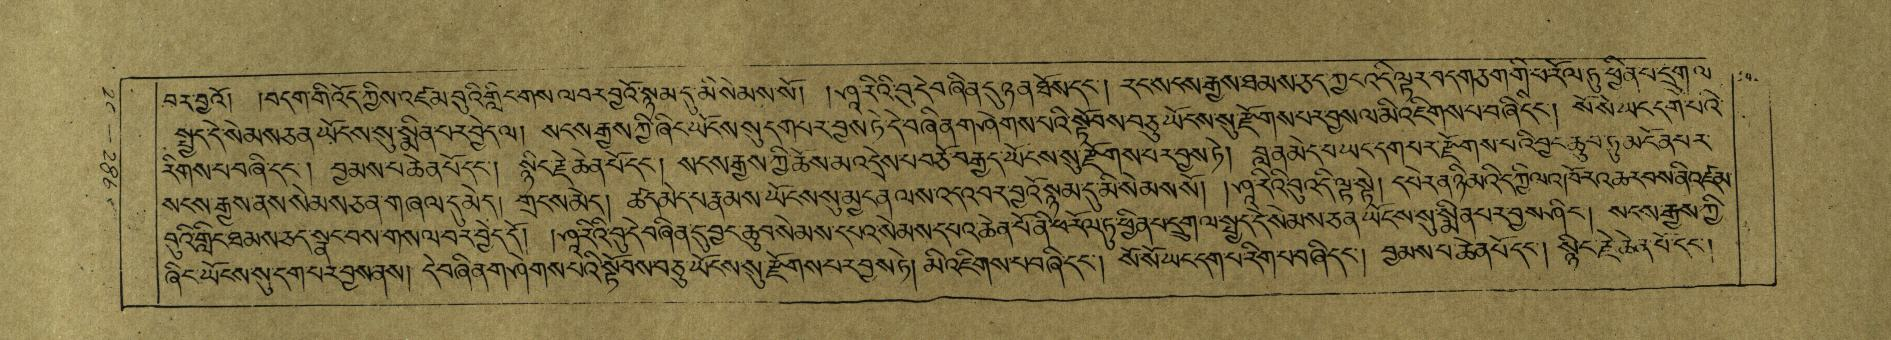བར་བྱའོ། །བདག་གི་འོད་ཀྱིས་འཛམ་བུའི་གླིང་གསལ་བར་བྱའོ་སྙམ་དུ་མི་སེམས་སོ། །ཤཱ་རིའི་བུ་དེ་བཞིན་དུ་ཉན་ཐོས་དང་། རང་སངས་རྒྱས་ཐམས་ཅད་ཀྱང་འདི་ལྟར་བདག་ཅག་གིས་ཕ་རོལ་ཏུ་ཕྱིན་པ་དྲུག་ལ་
སྤྱད་དེ་སེམས་ཅན་ཡོངས་སུ་སྨིན་པར་བྱེད་ལ། སངས་རྒྱས་ཀྱི་ཞིང་ཡོངས་སུ་དག་པར་བྱས་ཏེ་དེ་བཞིན་གཤེགས་པའི་སྟོབས་བཅུ་ཡོངས་སུ་རྫོགས་པར་བྱས་ལ་མི་འཇིགས་པ་བཞི་དང་། སོ་སོ་ཡང་དག་པའི་
རིགས་པ་བཞི་དང་། བྱམས་པ་ཆེན་པོ་དང་། སྙིང་རྗེ་ཆེན་པོ་དང་། སངས་རྒྱས་ཀྱི་ཆོས་མ་འདྲེས་པ་བཅོ་བརྒྱད་ཡོངས་སུ་རྫོགས་པར་བྱས་ཏེ། བླ་ན་མེད་པ་ཡང་དག་པར་རྫོགས་པའི་བྱང་ཆུབ་ཏུ་མངོན་པར་
སངས་རྒྱས་ནས་སེམས་ཅན་གཞལ་དུ་མེད། གྲངས་མེད། ཚད་མེད་པ་རྣམས་ཡོངས་སུ་མྱ་ངན་ལས་འདའ་བར་བྱའོ་སྙམ་དུ་མི་སེམས་སོ། །ཤཱ་རིའི་བུ་འདི་ལྟ་སྟེ། དཔེར་ན་ཉི་མའི་དཀྱིལ་འཁོར་འཆར་བས་ནི་འཛམ་
བུའི་གླིང་ཐམས་ཅད་སྣང་བས་གསལ་བར་བྱེད་དོ། །ཤཱ་རིའི་བུ་དེ་བཞིན་དུ་བྱང་ཆུབ་སེམས་དཔའ་སེམས་དཔའ་ཆེན་པོ་ནི་ཕ་རོལ་ཏུ་ཕྱིན་པ་དྲུག་ལ་སྤྱད་དེ་སེམས་ཅན་ཡོངས་སུ་སྨིན་པར་བྱས་ཤིང་། སངས་རྒྱས་ཀྱི་
ཞིང་ཡོངས་སུ་དག་པར་བྱས་ནས། དེ་བཞིན་གཤེགས་པའི་སྟོབས་བཅུ་ཡོངས་སུ་རྫོགས་པར་བྱས་ཏེ། མི་འཇིགས་པ་བཞི་དང་། སོ་སོ་ཡང་དག་པ་རིག་པ་བཞི་དང་། བྱམས་པ་ཆེན་པོ་དང་། སྙིང་རྗེ་ཆེན་པོ་དང་།